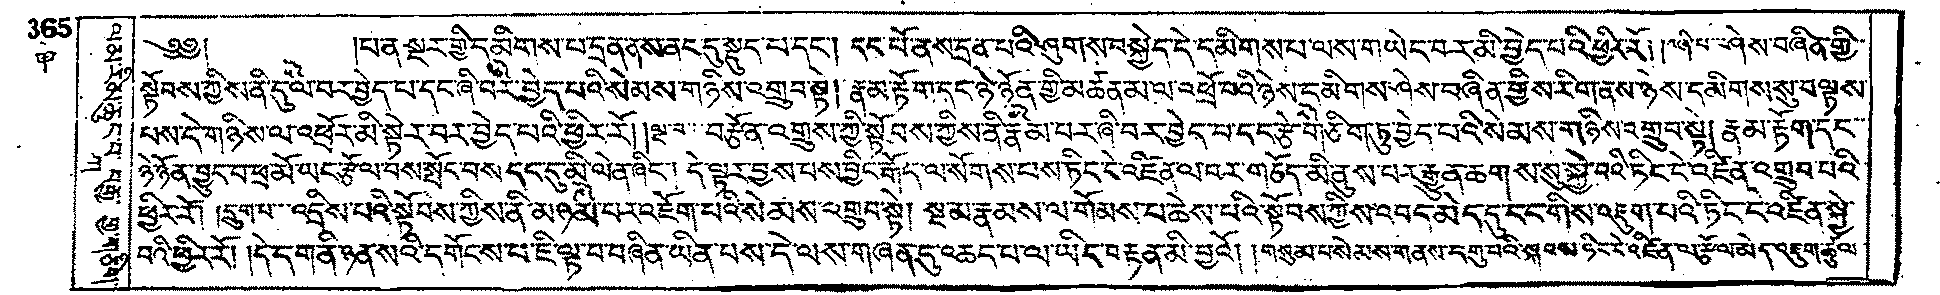༄༅། །པ་ན་སྔར་གྱི་དམིགས་པ་དྲན་ནས་ནང་དུ་སྡུད་པ་དང་། དང་པོ་ནས་དྲན་པའི་ཤུགས་བསྐྱེད་དེ་དམིགས་པ་ལས་གཡེང་བར་མི་བྱེད་པའི་ཕྱིར་རོ། །བཞི་པ་ཤེས་བཞིན་གྱི་
སྟོབས་ཀྱིས་ནི་དུལ་བར་བྱེད་པ་དང་ཞི་བར་བྱེད་པའི་སེམས་གཉིས་འགྲུབ་སྟེ། རྣམ་རྟོག་དང་ཉེ་ཉོན་གྱི་མཚན་མ་ལ་འཕྲོ་བའི་ཉེས་དམིགས་ཤེས་བཞིན་གྱིས་རིག་ནས་ཉེས་དམིགས་སུ་བལྟས་
པས་དེ་གཉིས་ལ་འཕྲོར་མི་སྟེར་བར་བྱེད་པའི་ཕྱིར་རོ། །ལྔ་པ་བརྩོན་འགྲུས་ཀྱི་སྟོབས་ཀྱིས་ནི་རྣམ་པར་ཞི་བར་བྱེད་པ་དང་རྩེ་གཅིག་ཏུ་བྱེད་པའི་སེམས་གཉིས་འགྲུབ་སྟེ། རྣམ་རྟོག་དང་
ཉེ་ཉོན་བྱུང་བ་ཕྲ་མོ་ཡང་རྩོལ་བས་སྤོང་བས་དང་དུ་མི་ལེན་ཞིང་། དེ་ལྟར་བྱས་པས་བྱིང་རྒོད་ལ་སོགས་པས་ཏིང་ངེ་འཛིན་ལ་བར་གཅོད་མི་ནུས་པར་རྒྱུན་ཆགས་སུ་སྐྱེ་བའི་གཏིང་ངེ་འཛིན་འགྲུབ་པའི་
ཕྱིར་རོ། །དྲུག་པ་འདྲིས་པའི་སྟོབས་ཀྱིས་ནི་མཉམ་པར་འཇོག་པའི་སེམས་འགྲུབ་སྟེ། སྔ་མ་རྣམས་ལ་གོམས་པ་ཆེས་པའི་སྟོབས་ཀྱིས་འབད་མེད་དུ་ངང་གིས་འཇུག་པའི་ཏིང་ངེ་འཛིན་སྐྱེ་
བའི་ཕྱིར་རོ། །དེ་དག་ནི་ཉན་སའི་དགོངས་པ་ཇི་ལྟ་བ་བཞིན་ཡིན་པས་དེ་ལས་གཞན་དུ་འཆད་པ་ལ་ཡིང་བརྟན་མི་བྱའོ། །གསུམ་པ་སེམས་གནས་དགུའི་སྐབས་ཏིང་ངེ་འཛིན་ལ་རྩོལ་མེད་འཇུག་ཚུལ་